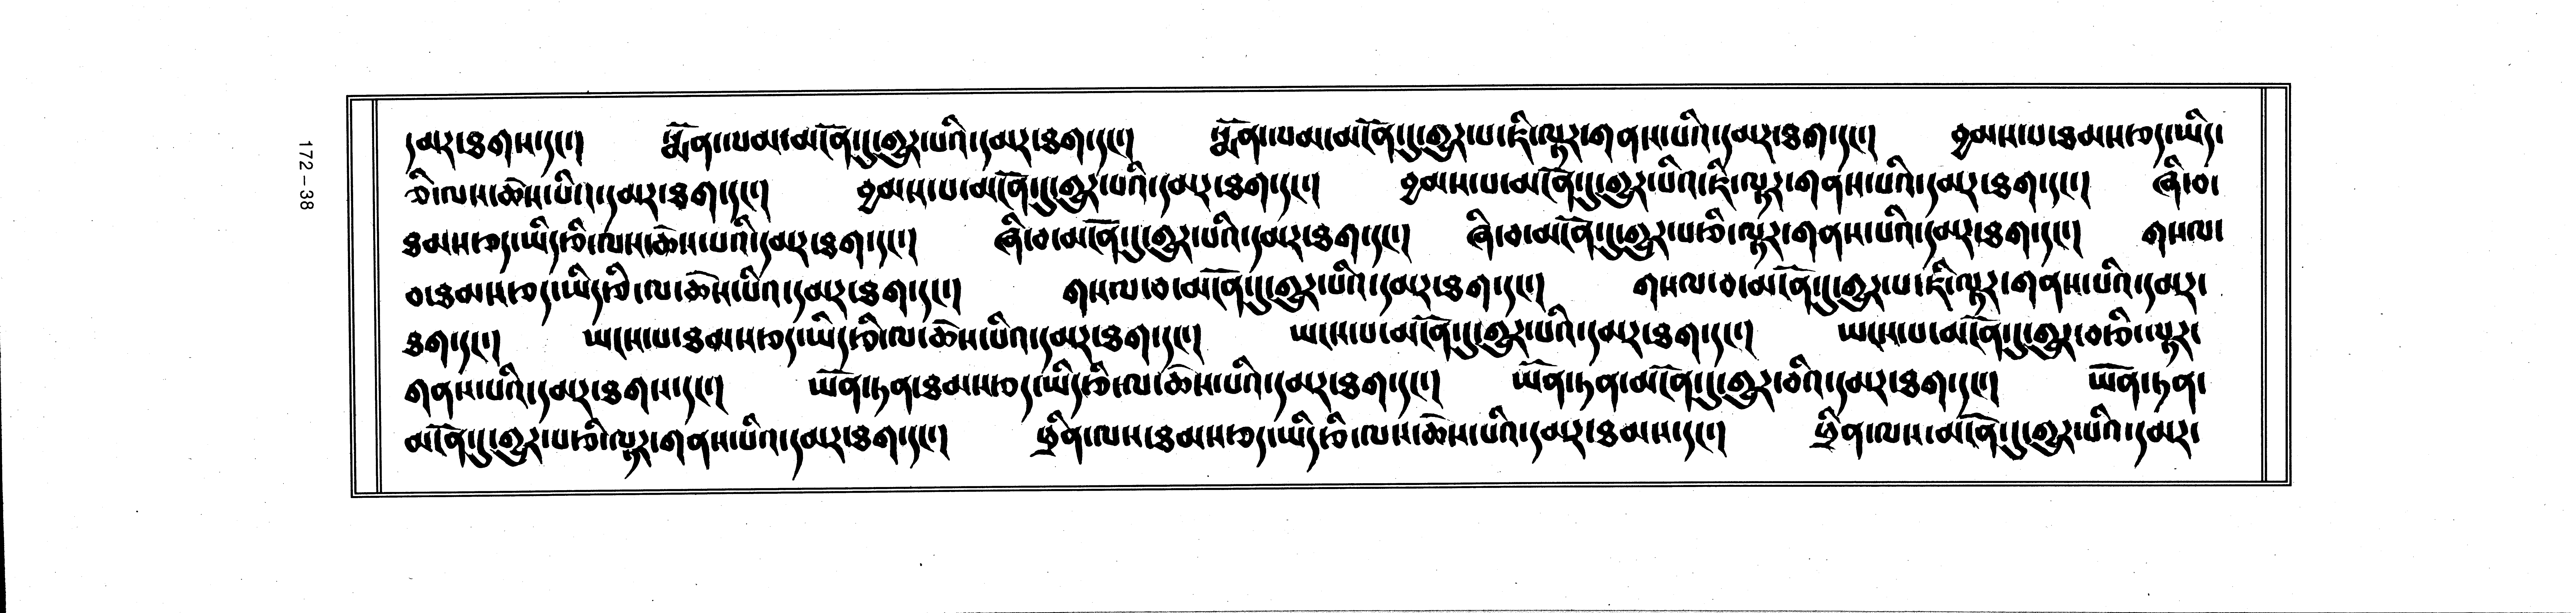དམར་ཐག་དང་། སྨོན་ལམ་མངོན་དུ་གྱུར་པའི་དམར་ཐག་དང་། སྨོན་ལམ་མངོན་དུ་གྱུར་པ་ཇི་ལྟར་གནས་པའི་དམར་ཐག་དང་། བྱམས་པ་ཐམས་ཅད་ཡིད་
ཅི་ལས་ཆེས་པའི་དམར་ཐག་དང་། བྱམས་པ་མངོན་དུ་གྱུར་པའི་དམར་ཐག་དང་། བྱམས་པ་མངོན་དུ་གྱུར་པའི་ཇི་ལྟར་གནས་པའི་དམར་ཐག་དང་། ཞི་བ་
ཐམས་ཅད་ཡིད་ཅི་ལས་ཆེས་པའི་དམར་ཐག་དང་། ཞི་བ་མངོན་དུ་གྱུར་པའི་དམར་ཐག་དང་། ཞི་བ་མངོན་དུ་གྱུར་པ་ཇི་ལྟར་གནས་པའི་དམར་ཐག་དང་། གསལ་
བ་ཐམས་ཅད་ཡིད་ཅི་ལས་ཆེས་པའི་དམར་ཐག་དང་། གསལ་བ་མངོན་དུ་གྱུར་པའི་དམར་ཐག་དང་། གསལ་བ་མངོན་དུ་གྱུར་པ་ཇི་ལྟར་གནས་པའི་དམར་
ཐག་དང་། ཡངས་པ་ཐམས་ཅད་ཡིད་ཅི་ལས་ཆེས་པའི་དམར་ཐག་དང་། ཡངས་པ་མངོན་དུ་གྱུར་པའི་དམར་ཐག་དང་། ཡངས་པ་མངོན་དུ་གྱུར་པ་ཅི་ལྟར་
གནས་པའི་དམར་ཐག་དང་། ཡོན་ཏན་ཐམས་ཅད་ཡིད་ཅི་ལས་ཆེས་པའི་དམར་ཐག་དང་། ཡོན་ཏན་མངོན་དུ་གྱུར་པའི་དམར་ཐག་དང་། ཡོན་ཏན་
མངོན་དུ་གྱུར་པ་ཇི་ལྟར་གནས་པའི་དམར་ཐག་དང་། ཕྲིན་ལས་ཐམས་ཅད་ཡིད་ཅི་ལས་ཆེས་པའི་དམར་ཐག་དང་། ཕྲིན་ལས་མངོན་དུ་གྱུར་པའི་དམར་